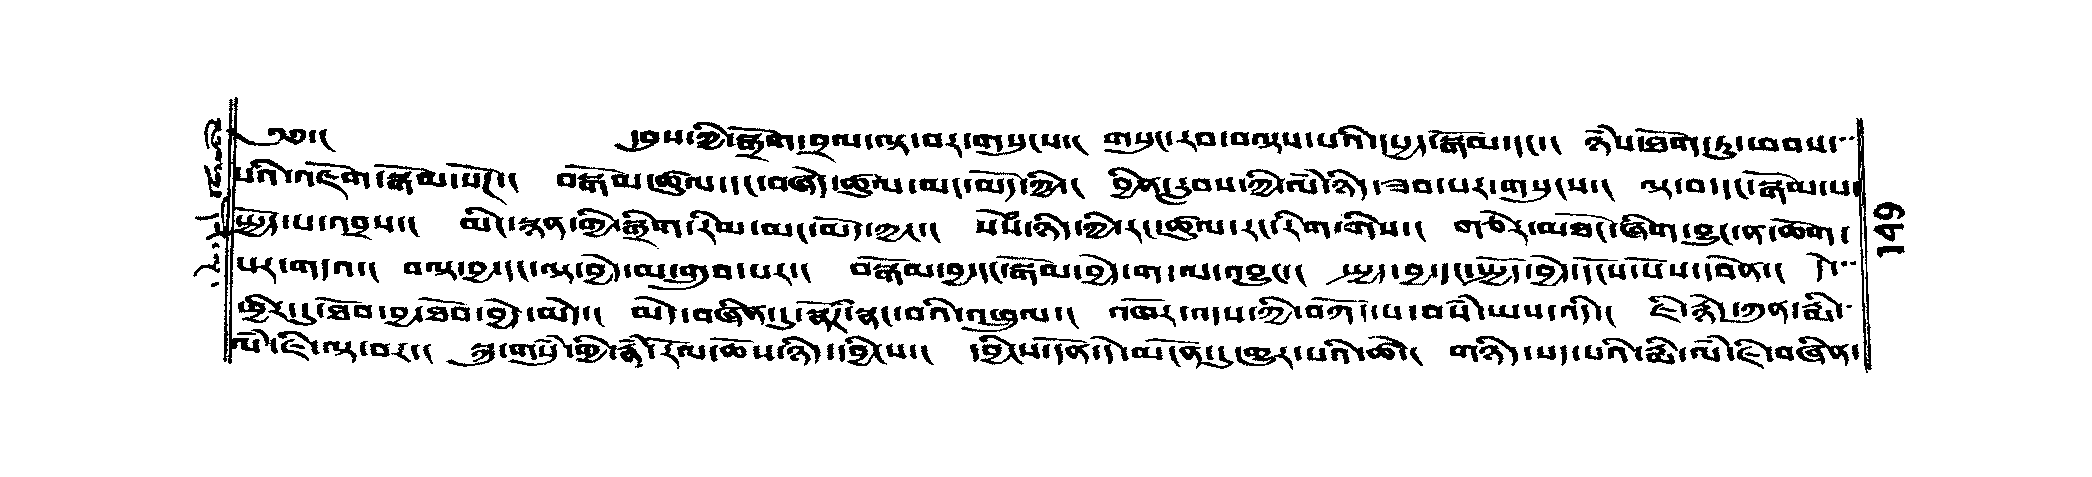དབུས་ཀྱི་སྒྲོག་བྲལ་ལྟ་བར་གསུངས། །གསུང་རབ་བལྟས་པའི་དཔྱད་སྒོམ་དང་། །ཉམས་ཐོག་ཏུ་ཕབ་
པའི་འཇོག་སྒོམ་སོགས། །བསྒོམ་ཚུལ་དང་བཞེད་ཚུལ་མང་མོད་ཀྱི། །བྱིན་རླབས་ཀྱི་ལམ་ཉིད་ཟབ་པར་གསུངས། །ལྟ་བ་དང་སྒོམ་པ་
སྤྱོད་པ་འབྲས། །མིང་སྙན་གྱི་སྒྲིག་རིམ་མང་མོད་ཀྱང་། །སེམས་ཉིད་ཀྱི་རང་ཚུལ་རང་རིག་གིས། །གཅེར་མཐོང་ཞིག་བྱུང་ན་ཆོག་
པར་གདའ། །བལྟ་བྱ་དང་ལྟ་བྱེད་མ་གྲུབ་པར། །བསྒོམ་བྱ་དང་སྒོམ་བྱེད་ག་ལ་འབྱུང་། །སྤྱད་བྱ་དང་སྤྱོད་བྱེད་དངོས་པོས་དབེན། །དེ་
ཕྱིར་དུ་ཐོབ་བྱ་ཐོབ་བྱེད་མེད། །མེད་བཞིན་དུ་སྣ་ཚོགས་སྣང་བའི་འཕྲུལ། །འཁོར་འདས་ཀྱི་བཀོད་པ་བསམ་ཡས་འདི། །ཇི་རྙེད་ཀུན་རྨི་
ལམ་ཇི་ལྟ་བར། །སྐུ་གསུམ་གྱི་རྣམ་རོལ་ཆོས་ཉིད་དབྱིངས། །དབྱིངས་དོན་དེ་མངོན་དུ་གྱུར་པའི་ཚེ། །གཉིད་སད་པའི་རྨི་ལམ་ཇི་བཞིན་